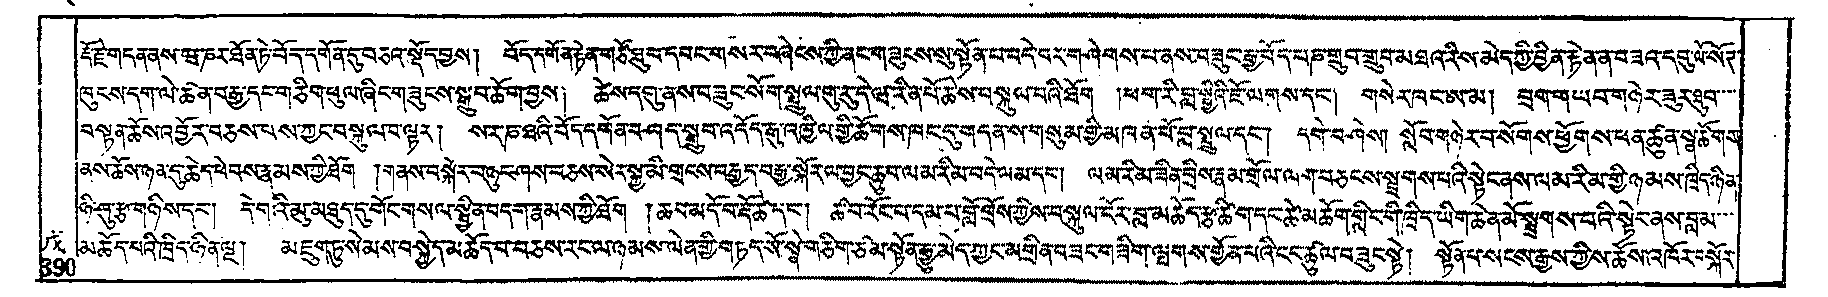རྡོ་རྗེ་གདན་ནས་ཝ་ཎར་ཐོན་ཏེ་བོད་དགོན་དུ་བཅའ་སྡོད་བྱས། བོད་དགོན་རྟེན་གཙོ་ཐུབ་དབང་གསར་བཞེངས་ཀྱི་ནང་གཟུངས་སུ་སྟོན་པ་བདེ་བར་གཤེགས་པ་ནས་བཟུང་རྒྱ་བོད་པཎ་གྲུབ་གྲུབ་མཐའ་རིས་མེད་ཀྱི་བྱིན་རྟེན་ན་བཟའ་དབུ་ལོ་སོགས་
ཁུངས་དག་ལེ་ཚན་བརྒྱ་དང་གཅིག་ཕུལ་ཞིང་གཟུངས་སྒྲུབ་ཆོ་ག་བྱས། ཚེས་དགུ་ནས་བཟུང་སོགས་སྤྲུལ་གུ་རུ་དེ་ཝ་རིན་པོ་ཆེས་བསྐུལ་བའི་ཐོག །ཕག་རི་བླ་སྤྱིའི་ཇོ་ལགས་དང་། གསེར་ཁང་ཨ་མ། བྲག་གཡབ་གཉེར་ཟུར་ཐུབ་
བསྟན་ཆོས་འབྱོར་བཅས་པས་ཀྱང་བསྐུལ་བ་ལྟར། ས་ར་ཎ་ཐའི་བོད་དགོན་བཤད་སྒྲུབ་འདོད་རྒུ་འཁྱིལ་གྱི་ཚོགས་ཁང་དུ་གདན་ས་གསུམ་གྱི་མཁན་པོ་བླ་སྤྲུལ་དང་། དགེ་བཤེས། སློབ་གཉེར་བ་སོགས་ཕྱོགས་ཕན་ཚུན་སྣ་ཚོགས་
ནས་ཆོས་ཉན་དུ་ཆེད་ཕེབས་རྣམས་ཀྱི་ཐོག །གནས་བསྐོར་བ་ཉུང་ཤས་བཅས་སེར་སྐྱ་མི་གྲངས་བརྒྱད་བརྒྱ་སྐོར་ལ་བྱང་ཆུབ་ལམ་རིམ་བདེ་ལམ་དང་། ལམ་རིམ་ཟིན་བྲིས་རྣམ་གྲོལ་ལག་བཅངས་སྦྲགས་པའི་སྟེང་ནས་ལམ་རིམ་གྱི་ཉམས་ཁྲིད་ཉིན་
ཉི་ཤུ་རྩ་གཉིས་དང་། དེ་གའི་མུ་མཐུད་དུ་གོང་གསལ་སྦྱིན་བདག་རྣམས་ཀྱི་ཐོག །ཆབ་མདོ་བ་རྡོ་ཚེ་དང་། ཚ་བ་རོང་པ་དམ་པ་བློ་གྲོས་ཀྱིས་བསྐུལ་ངོར་བླ་མཆོད་རྩ་ཚིག་དང་ཚེ་མཆོག་གླིང་གི་ཁྲིད་ཡིག་ཆེན་མོ་སྦྲགས་པའི་སྟེང་ནས་བླ་མ་
མཆོད་པའི་ཁྲིད་ཉིན་ལྔ། མཇུག་ཏུ་སེམས་བསྐྱེད་མཆོད་པ་བཅས་རང་ལ་ཉམས་ལེན་གྱི་གཏད་སོ་སྣེ་གཅིག་ཙམ་སྟོན་རྒྱུ་མེད་ཀྱང་མགྲིན་བཟང་གཟིག་ལྤགས་གྱོན་པའི་ངང་ཚུལ་བཟུང་སྟེ། སྟོན་པ་སངས་རྒྱས་ཀྱིས་ཆོས་འཁོར་བསྐོར་